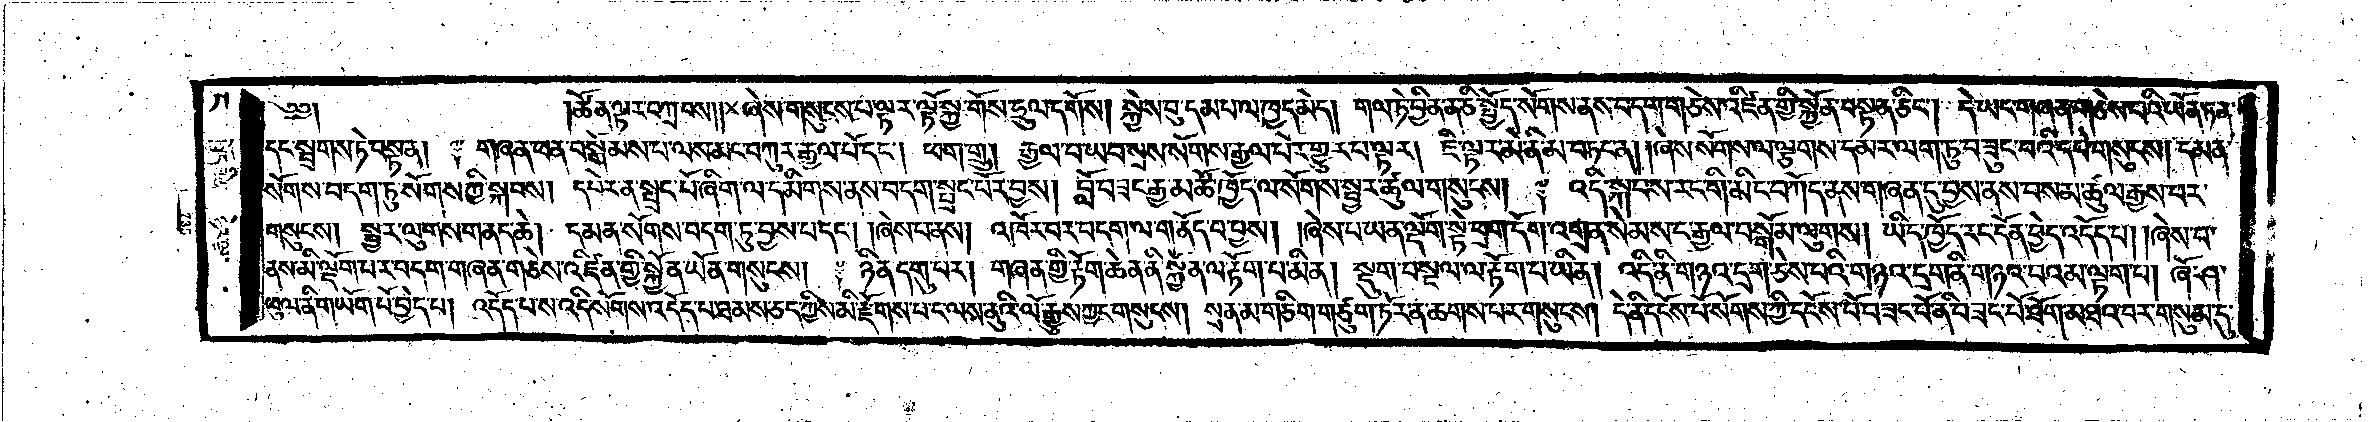༄༅། །ཚོན་ལྟར་བཀྲ་བས། །྾་ཞེས་གསུངས་པ་ལྟར་ལྟོ་སྐྱ་གོས་ཧྲུལ་དགོས། སྐྱེས་བུ་དམ་པ་ལ་ཁྱད་མེད། གལ་ཏེ་བྱིན་ན་ཅི་སྤྱོད་སོགས་ནས་བདག་གཅེས་འཛིན་གྱི་སྐྱོན་བསྟན་ཅིང་། དེ་ཡང་གཞན་གཅེས་པའི་ཡོན་ཏན་
དང་སྦྲགས་ཏེ་བསྟན། ༈ གཞན་ཕན་བསྒོམས་པ་ལས་མང་བཀུར་རྒྱལ་པོ་དང་། ཕག་གྲུ། རྒྱལ་བ་ཡབ་སྲས་སོགས་རྒྱལ་པོར་གྱུར་པ་ལྟར། ཇི་ལྟར་མེ་ནི་མ་བཏང་ན། །ཞེས་སོགས་ལ་ལྕགས་དམར་ལག་ཏུ་བཟུང་བའི་དཔེ་གསུངས། དམན་
སོགས་བདག་ཏུ་སོགས་ཀྱི་སྐབས། དཔེར་ན་སྤྲང་པོ་ཞིག་ལ་དམིགས་ནས་བདག་སྤྲང་པོར་བྱས། བློ་བཟང་རྒྱ་མཚོ་ཁྱོད་ལ་སོགས་སྦྱར་ཚུལ་གསུངས། ༈ འདི་སྐབས་རང་གི་མིང་བཀོད་ནས་གཞན་དུ་བྱས་ནས་བསམ་ཚུལ་རྒྱས་པར་
གསུངས། སྦྱར་ལུགས་གནད་ཆེ། དམན་སོགས་བདག་ཏུ་བྱས་པ་དང་། །ཞེས་པ་ནས། འཁོར་བར་བདག་ལ་གནོད་པ་བྱས། །ཞེས་པ་ཡན་ལྡོག་སྟེ་ཕྲག་དོག་འགྲན་སེམས་ང་རྒྱལ་བསྒོམ་ལུགས། ཡིད་ཁྱོད་རང་དོན་བྱེད་འདོད། །ཞེས་བ་
ནས་མི་ལྡོག་པར་བདག་གཞན་གཅེས་འཛིན་གྱི་སྐྱོན་ཡོན་གསུངས། ༈ ཉིན་དགུ་པར། གཞན་གྱི་རྟོག་ཆེན་ནི་སྐྱོན་ལ་རྟོག་པ་མིན། སྡུག་བསྔལ་ལ་རྟོག་པ་ཡིན། དཱི་ནི་གཉའ་དྲག་ཅེས་པའི་གཉའ་དྲག་ནི་གཉའ་པའམ་ལྟག་པ། ཞོ་ཤ་
ཕུལ་ནི་གཡོག་པོ་བྱེད་པ། འདོད་པ་ས་འདི་སོགས་འདོད་པ་ཐམས་ཅད་ཀྱིས་མི་རྫོགས་པ་ང་ལས་ནུའི་ལོ་རྒྱུས་ཀྱང་གསུངས། སྲན་མ་གཅིག་གཙུག་ཏོར་ན་ཆགས་པར་གསུངས། དེ་ནི་དངོས་པོ་སོགས་ཀྱི་དངོས་པོ་བཟང་པོ་ནི་བཟང་པོ་ཐོག་མཐའ་བར་གསུམ་དུ་